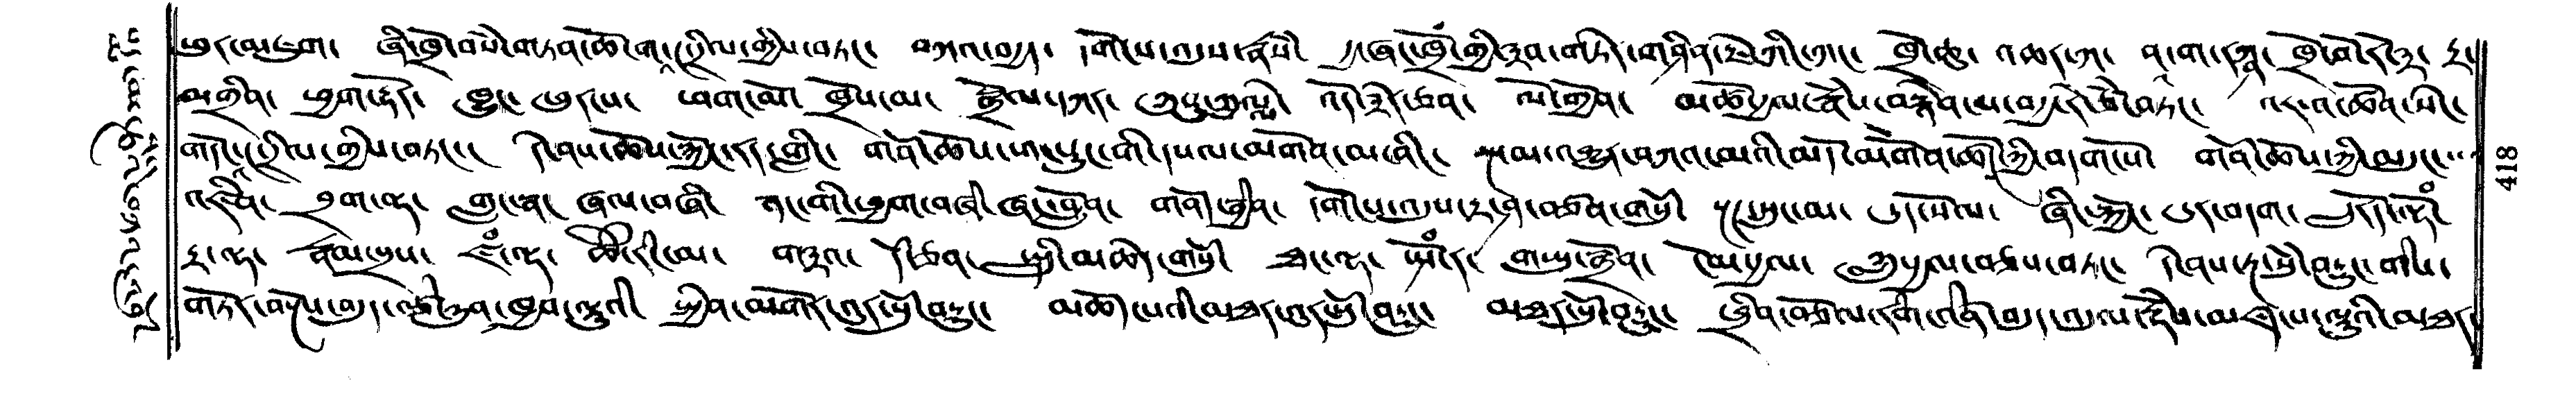ཕུར་མཇུག ཞི་ཁྲོ་བསམ་གཏན་ཆོ་ག་ཌཱ་དྲིལ་གྱིས་གཏང་། བཀའ་བརྒྱད། དགོངས་འདུས་རྣམས། རྒྱ་ཞང་ཁྲོམ་གྱི་ཟབ་གཏེར་གཤིན་རྗེ་ཀིང་ཀང་། ཁྲོ་ཆུང་། འཆར་ཀ ནཱ་ག་རཀྵ། ཁྲོ་བོ་རོ་ཟ། རྟ་
མགྲིན། ཕྱག་རྡོར། ཕུར་པ། ཕག་མོ། སྒྲོལ་དཀར། ཀུ་རུ་ཀུལླེ། འོད་ཟེར་ཅན། ལོ་གྱོན། མཚོ་རྒྱལ་རྣམས་བསྙེན་པ་བརྒྱ་རེ་ཙམ་གཏང་། འཇའ་ཚོན་སེང་
གདོང་ཌཱ་དྲིལ་གྱིས་གཏང་། དེ་ནས་ཆོས་སྐྱོང་རཏ་གླིང་། གནམ་ཆོས་གང་རུང་གི་དཔལ་མགོན་མ་ནིང་། སྔ་འགྱུར་བཀའ་མའི་མདོ་མགོན་ཚོགས་ཀྱི་བདག་པོ། གནམ་ཆོས་ཀྱི་མདུང་
འཛིན། བྲག་ལྷ། གླང་སྣ། ཞལ་བཞི། ཉང་གི་ཕྱག་བཞི་ཞང་བློན། གནོད་སྦྱིན། དགོངས་འདུས་རྟ་ཤ་བཙན་གསུམ། སྔགས་སྲུང་མ། དུད་སོལ། ཞིང་སྐྱོང་། དུར་བདག དུར་ཁྲོད་ལྷ་མོ། 
རྟ་ལྷ། རྣམ་སྲས། ཛཾ་ལ། ཚེ་རིང་མ། གཟའ། དམ་ཅན། སྤུ་གྲི་མཆེད་གསུམ། ཐང་ལྷ། སྤོམ་ར། གཡུ་སྒྲོན། ངོམ་རྒྱལ། ཀླུ་རྒྱལ་བཅས་གཏང་། དེ་ནས་རྔ་སུམ་རྡུང་གིས་
གཏོར་བསྔོས་བདུད་རྩི་ཀུན་ཁྱབ་ལྟ་བུའི། སྤྱན་འདྲེན་མགོར་འུར་སུམ་རྡུང་། མཆོད་པའི་མཐར་འུར་སུམ་རྡུང་། མཐར་སུམ་རྡུང་། ཕྲིན་བཅོལ་རིག་འཛིན་བདུད་འདུལ་རྡོ་རྗེས་མཛད་པ་ལྟ་བུའི་མཐར།